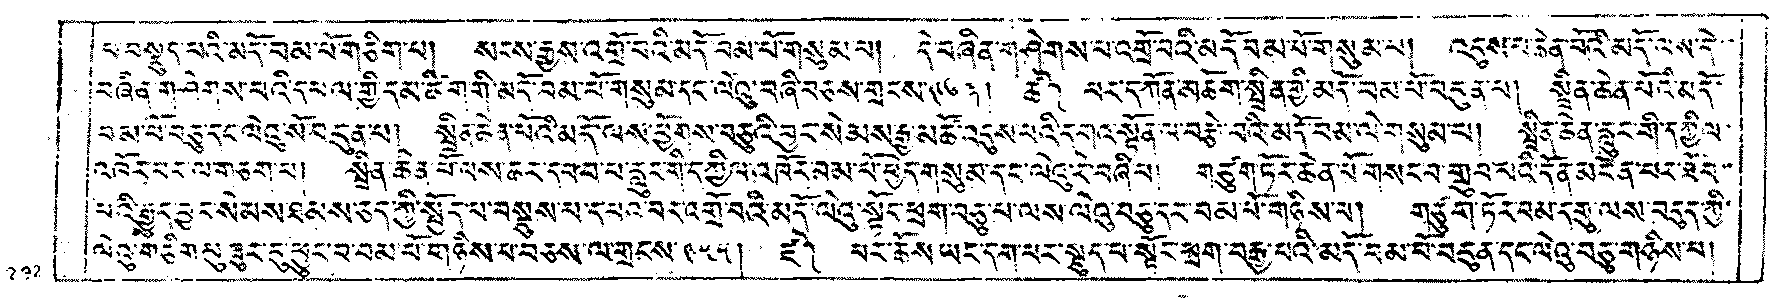པ་བསྡུད་པའི་མདོ་བམ་པོ་གཅིག་པ། སངས་རྒྱས་འགྲོ་བའི་མདོ་བམ་པོ་གསུམ་པ། དེ་བཞིན་གཤེགས་པ་འགྲོ་བའི་མདོ་བམ་པོ་གསུམ་པ། འདུས་པ་ཆེན་པོའི་མདོ་ལས་དེ་
བཞིན་གཤེགས་པའི་དཔལ་གྱི་དམ་ཚིག་གི་མདོ་བམ་པོ་གསུམ་དང་ལེའུ་བཞི་བཅས་གྲངས ༤༦༣། ཚ྄་པར་དཀོན་མཆོག་སྤྲིན་གྱི་མདོ་བམ་པོ་བདུན་པ། སྤྲིན་ཆེན་པོའི་མདོ་
བམ་པོ་བཅུ་དང་ལེའུ་སོ་བདུན་པ། སྤྲིན་ཆེན་པོའི་མདོ་ལས་ཕྱོགས་བཅུའི་བྱང་སེམས་རྒྱ་མཚོ་འདུས་པའི་དགའ་སྟོན་ལ་བརྩེ་བའི་མདོ་བམ་ལེ་གསུམ་པ། སྤྲིན་ཆེན་རླུང་གི་དཀྱིལ་
འཁོར་བར་ལ་གཅག་པ། སྤྲིན་ཆེན་པོ་ལས་ཆར་དབབ་པ་རླུང་གི་དཀྱིལ་འཁོར་བམ་པོ་ཕྱེད་གསུམ་དང་ལེའུ་རེ་བཞི་པ། གཙུག་ཏོར་ཆེན་པོ་གསང་བ་གྲུབ་པའི་དོན་མངོན་པར་ཐོབ་
པའི་རྒྱུད་བྱང་སེམས་ཐམས་ཅད་ཀྱི་སྤྱོད་པ་བསྡུས་པ་དཔའ་བར་འགྲོ་བའི་མདོ་ལེའུ་སྟོང་ཕྲག་བཅུ་པ་ལས་ལེའུ་བཅུ་དང་བམ་པོ་གཉིས་པ། གཙུག་ཏོར་བམ་དགུ་ལས་བདུད་ཀྱི་
ལེའུ་གཅིག་པུ་ཟུར་དུ་ཕྱུང་བ་བམ་པོ་གཉིས་པ་བཅས་ལ་གྲངས ༤༥༥། ཛ྄་པར་ཆོས་ཡང་དག་པར་སྡུད་པ་སྟོང་ཕྲག་བརྒྱ་པའི་མདོ་བམ་པོ་བདུན་དང་ལེའུ་བཅུ་གཉིས་པ།